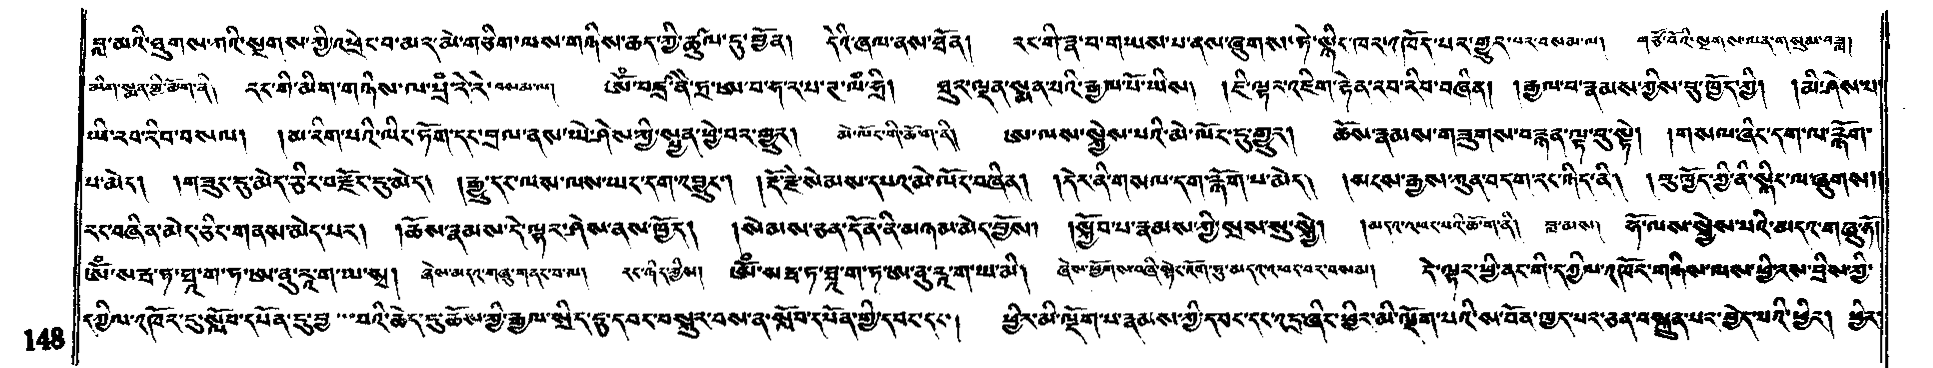བླ་མའི་ཐུགས་ཀའི་སྔགས་ཀྱི་འཕྲེང་བ་མར་མེ་གཅིག་ལས་གཉིས་ཆད་ཀྱི་ཚུལ་ཏུ་བྱོན། དེའི་ཞལ་ནས་ཐོན། རང་གི་རྣ་བ་གཡས་པ་ནས་ཞུགས་ཏེ་སྙིང་ཁར་འཁོད་པར་གྱུར་པར་བསམ་ལ། གཙོ་བོའི་སྔགས་ལན་གསུམ་བཟླ།
མིག་སྨན་གྱི་ཆོ་ག་ནི། རང་གི་མིག་གཉིས་ལ་པྲཾ་རེ་རེ་བསམ་ལ།  ཨོཾ་བཛྲ་ནཻ་ཏྲ་ཨ་བ་ཧ་ར་པ་ཊ་ལཾ་ཧྲི། ཐུར་ལྡན་སྨན་པའི་རྒྱལ་པོ་ཡིས། །ཇི་ལྟར་འཇིག་རྟེན་རབ་རིབ་བཞིན། །རྒྱལ་བ་རྣམས་ཀྱིས་བུ་ཁྱོད་ཀྱི། །མི་ཤེས་པ་
ཡི་རབ་རིབ་བསལ། །མ་རིག་པའི་ལིང་ཏོག་དང་བྲལ་ནས་ཡེ་ཤེས་ཀྱི་སྤྱན་ཕྱེ་བར་གྱུར། མེ་ལོང་གི་ཆོ་ག་ནི།  ཨ་ལས་སྐྱེས་པའི་མེ་ལོང་དུ་གྱུར། ཆོས་རྣམས་གཟུགས་བརྙན་ལྟ་བུ་སྟེ། །གསལ་ཞིང་དག་ལ་རྙོག་
པ་མེད། །གཟུང་དུ་མེད་ཅིང་བརྗོད་དུ་མེད། །རྒྱུ་དང་ལས་ལས་ཡང་དག་འབྱུང་། །རྡོ་རྗེ་སེམས་དཔའ་མེ་ལོང་བཞིན། །དེར་ནི་གསལ་དག་རྙོག་པ་མེད། །སངས་རྒྱས་ཀུན་བདག་རང་ཉིད་ནི། །བུ་ཁྱོད་ཀྱི་ནི་སྙིང་ལ་ཞུགས།།
རང་བཞིན་མེད་ཅིང་གནས་མེད་པར། །ཆོས་རྣམས་དེ་ལྟར་ཤེས་ནས་ཁྱོད། །སེམས་ཅན་དོན་ནི་མཉམ་མེད་བྱོས། །སྐྱོབ་པ་རྣམས་ཀྱི་སྲས་སུ་སྐྱེ། །མདའ་འཕང་པའི་ཆོ་ག་ནི། བླ་མས།  ཧོ་ལས་སྐྱེས་པའི་མདའ་གཞུ་ཧོ།
ཨོཾ་སརྦ་ཏ་ཐཱ་ག་ཏ་ཨ་ནུ་རཱ་ག་ཡ་སྭ། ཞེས་མདའ་གཞུ་གནང་བ་ལ། རང་ཉིད་ཀྱིས།  ཨོཾ་སརྦ་ཏ་ཐཱ་ག་ཏ་ཨ་ནུ་རཱ་ག་ཡ་མི། ཞེས་ཕྱོགས་བཞི་སྟེང་འོག་ཏུ་མདའ་འཕང་བར་བསམ།  དེ་ལྟར་ཕྱི་ནང་གི་དཀྱིལ་འཁོར་གཉིས་ལས་ཕྱི་རས་བྲིས་ཀྱི་
དཀྱིལ་འཁོར་དུ་སློབ་དཔོན་དུ་བྱ་བའི་ཆེད་དུ་ཆོས་ཀྱི་རྒྱལ་སྲིད་དུ་དབང་བསྐུར་བས་ན་སློབ་དཔོན་གྱི་དབང་དང་། ཕྱིར་མི་ལྡོག་པ་རྣམས་ཀྱི་དབང་དང་འདྲ་ཞིང་ཕྱིར་མི་ལྡོག་པའི་ས་བོན་ཁྱད་པར་ཅན་བསྐྲུན་པར་བྱེད་པའི་ཕྱིར། ཕྱིར་